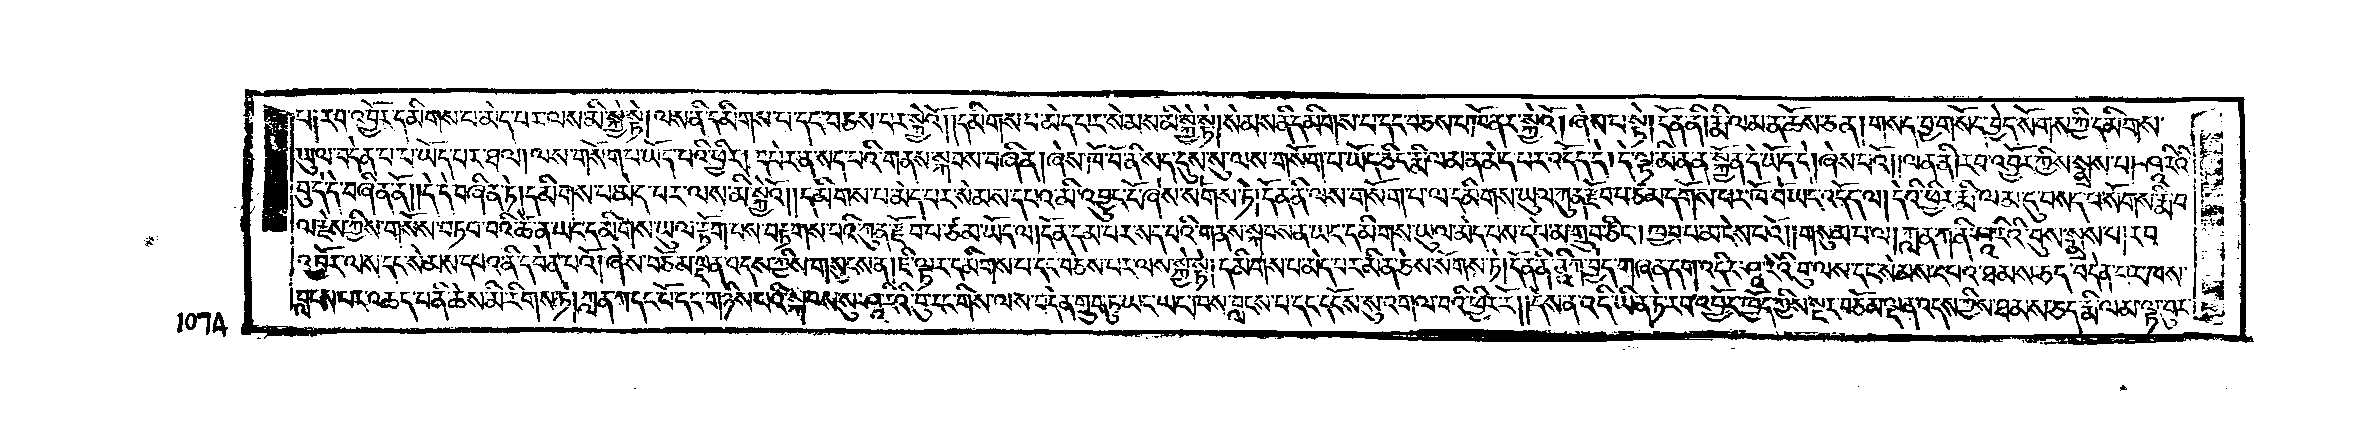པ། རབ་འབྱོར་དམིགས་པ་མེད་པར་ལས་མི་སྐྱེ་སྟེ། ལས་ནི་དམིགས་པ་དང་བཅས་པར་སྐྱེའོ། །དམིགས་པ་མེད་པར་སེམས་མི་སྐྱེ་སྟེ། སེམས་ནི་དམིགས་པ་དང་བཅས་པ་ཁོ་ནར་སྐྱེའོ། ཞེས་པ་སྟེ། དོན་ནི། རྨི་ལམ་ན་ཆོས་ཅན། གསད་བྱ་གསོད་བྱེད་སོགས་ཀྱི་དམིགས་
ཡུལ་བདེན་པ་པ་ཡོད་པར་ཐལ། ལས་གསོག་པ་ཡོད་པའི་ཕྱིར། དཔེར་ན་སད་པའི་གནས་སྐབས་བཞིན། ཞེས་ཁོ་བོ་ནི་སད་དུས་སུ་ལས་གསོག་པ་ཡོད་ཅིང་རྨི་ལམ་ན་མེད་པར་འདོད་དེ། དེ་ལྟ་མིན་ན་སྐྱོན་དེ་ཡོད་དེ། ཞེས་པའོ། །ལན་ནི། རབ་འབྱོར་གྱིས་སྨྲས་པ། ཤཱ་རིའི་
བུ་དེ་དེ་བཞིན་ནོ། །དེ་དེ་བཞིན་ཏེ། དམིགས་པ་མེད་པར་ལས་མི་སྐྱེའོ། །དམིགས་པ་མེད་པར་སེམས་དཔའ་མི་འབྱུང་ངོ་ཞེས་སོགས་ཏེ། དོན་ནི་ལས་གསོག་པ་ལ་དམིགས་ཡུལ་ཀུན་རྫོབ་པ་ཙམ་དགོས་པར་ཁོ་བོ་ཡང་འདོད་ལ། དེའི་ཕྱིར་རྨི་ལམ་དུ་བསད་པ་སོགས་རྨི་བ་
ལ་རྗེས་ཀྱིས་གསོས་བཏབ་པའི་ཚེ་ན་ཡང་དམིགས་ཡུལ་རྟོག་པས་བརྟགས་པའི་ཀུན་རྫོབ་པ་ཙམ་ཡོད་ལ། དོན་དམ་པར་སད་པའི་གནས་སྐབས་ན་ཡང་དམིགས་ཡུལ་མེད་པས་དཔེ་མ་གྲུབ་ཅིང་། ཁྱབ་པ་མ་ངེས་པའོ། །གསུམ་པ་ལ། ཀླན་ཀ་ནི་ཤཱ་རིའི་བུས་སྨྲས་པ། རབ་
འབྱོར་ལས་དང་སེམས་དཔའ་ནི་དབེན་པའོ། ཞེས་བཅོམ་ལྡན་འདས་ཀྱིས་གསུངས་ན། ཇི་ལྟར་དམིགས་པ་དང་བཅས་པར་ལས་སྐྱེ་སྟེ། དམིགས་པ་མེད་པར་མིན་ཅེས་སོགས་ཏེ། དོན་ནི་ཊཱིཀ་བྱེད་གཞན་དག་འདིར་ཤཱ་རིའི་བུ་ལས་དང་སེམས་དཔའ་ཐམས་ཅད་བདེན་པར་ཁས་
བླངས་པར་འཆད་པ་ནི་ཆེས་མི་རིགས་ཏེ། ཀླན་ཀ་དང་པོ་དང་གཉིས་པའི་སྐབས་སུ་ཤའ་རིའི་བུ་རང་གིས་ལས་བདེན་གྲུབ་ཏུ་ཡང་ཡང་ཁས་བླངས་པ་དང་དངོས་སུ་འགལ་བའི་ཕྱིར་རོ། །དེས་ན་འདི་ཡིན་ཏེ་རབ་འབྱོར་ཁྱོད་ཀྱིས་སྔར་བཅོམ་ལྡན་འདས་ཀྱིས་ཐམས་ཅད་རྨི་ལམ་ལྟ་བུར་